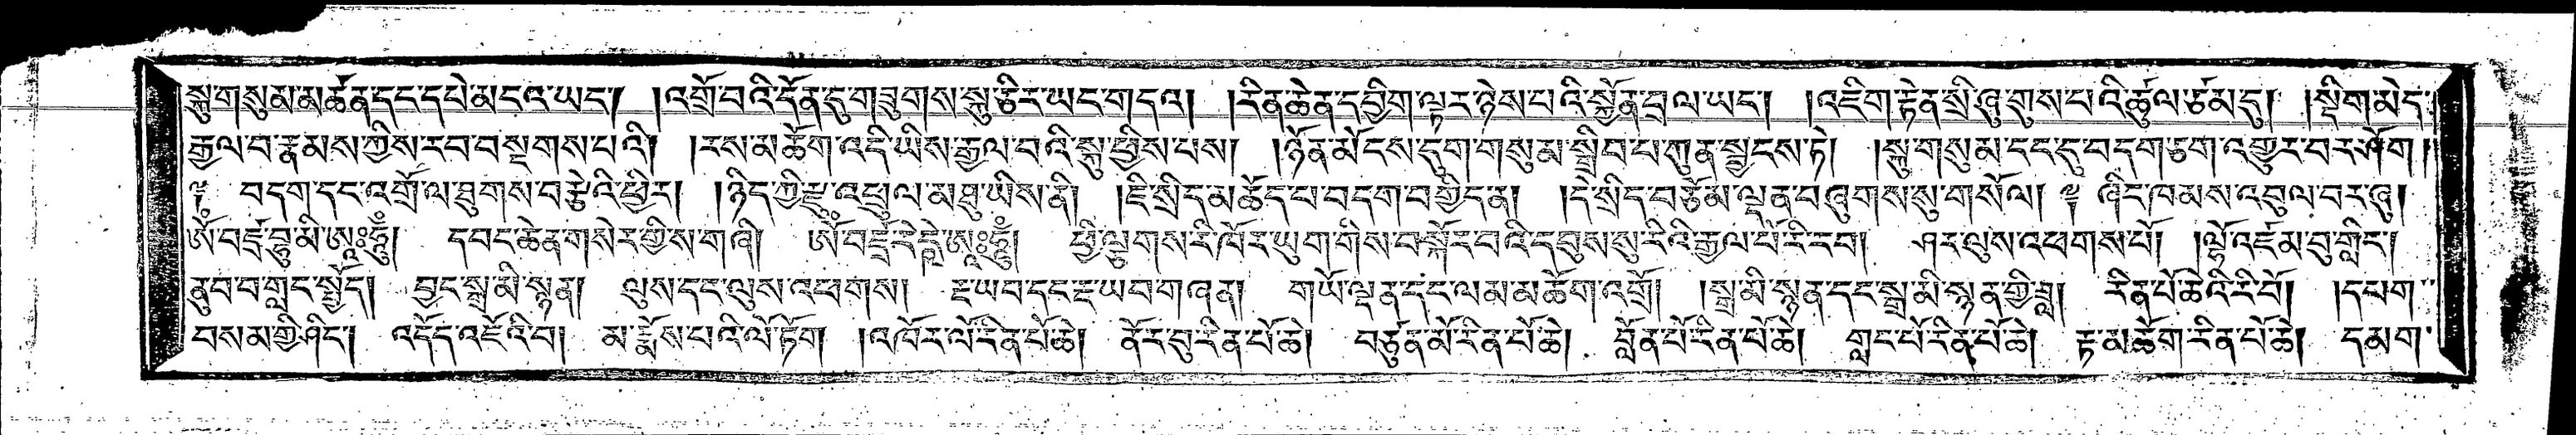སྐུ་གསུམ་མཚན་དང་དཔེ་མངའ་ཡང་། །འགྲོ་བའི་དོན་དུ་གཟུགས་སྐུ་ཅིར་ཡང་གདའ། །རིན་ཆེན་དབྱིག་ལྟར་ཉེས་པའི་སྐྱོན་བྲལ་ཡང་། །འཇིག་རྟེན་སྲི་ཞུ་གུས་པའི་ཚུལ་ཙམ་དུ། །སྡིག་མེད་
རྒྱལ་བ་རྣམས་ཀྱིས་རབ་བསྔགས་པའི། །རས་མཆོག་འདི་ཡིས་རྒྱལ་བའི་སྐུ་ཕྱིས་པས། །ཉོན་མོངས་དུག་གསུམ་སྒྲིབ་པ་ཀུན་སྦྱངས་ཏེ། །སྐུ་གསུམ་དང་དུ་བདག་ཅག་འགྱུར་བར་ཤོག །
༈ བདག་དང་འགྲོ་ལ་ཐུགས་བརྩེའི་ཕྱིར། །ཉིད་ཀྱི་རྫུ་འཕྲུལ་མཐུ་ཡིས་ནི། །ཇི་སྲིད་མཆོད་པ་བདག་བགྱིད་ན། །དེ་སྲིད་བཅོམ་ལྡན་བཞུགས་སུ་གསོལ། ༈ ཞིང་ཁམས་འབུལ་བར་ཞུ།
ཨོཾ་བྫྲ་བྷུ་མི་ཨཱཿ ཧཱུཾ། དབང་ཆེན་གསེར་གྱི་ས་གཞི། ཨོཾ་བྫྲ་རེདྵེ་ཨཱཿ ཧཱུཾ། ཕྱི་ལྕགས་རི་ཁོར་ཡུག་གིས་བསྐོར་བའི་དབུས་སུ་རིའི་རྒྱལ་པོ་རི་རབ། ཤར་ལུས་འཕགས་པོ། །ལྷོ་འཛམ་བུ་གླིང་།
ནུབ་བ་གླང་སྤྱོད། བྱང་སྒྲ་མི་སྙན། ལུས་དང་ལུས་འཕགས། རྔ་ཡབ་དང་རྔ་ཡབ་གཞན། གཡོ་ལྡན་དང་ལམ་མཆོག་འགྲོ། །སྒྲ་མི་སྙན་དང་སྒྲ་མི་སྙན་གྱི་ཟླ། རིན་པོ་ཆེའི་རི་བོ། །དཔག་
བསམ་གྱི་ཤིང་། འདོད་འཇོའི་བ། མ་རྨོས་པའི་ལོ་ཏོག །འཁོར་ལོ་རིན་པོ་ཆེ། ནོར་བུ་རིན་པོ་ཆེ། བཙུན་མོ་རིན་པོ་ཆེ། བློན་པོ་རིན་པོ་ཆེ། གླང་པོ་རིན་པོ་ཆེ། རྟ་མཆོག་རིན་པོ་ཆེ། དམག་